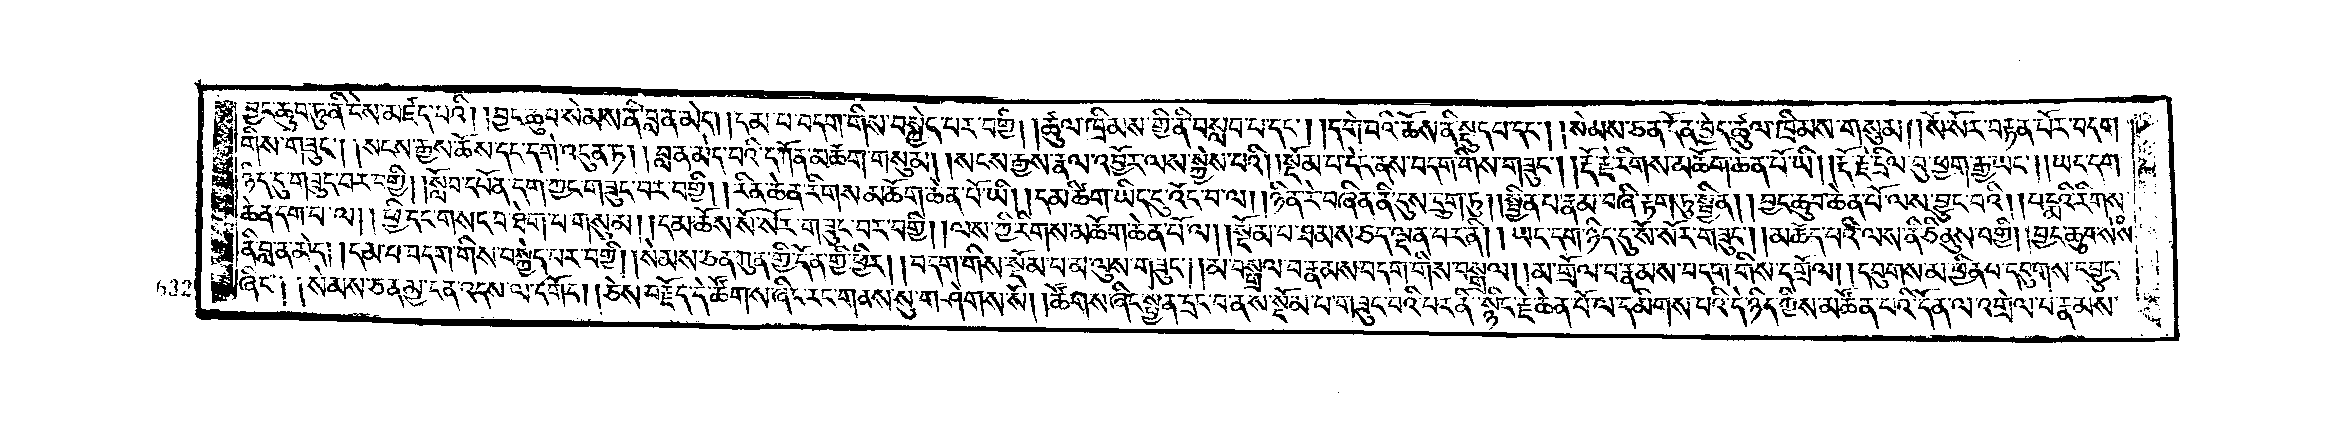བྱང་ཆུབ་ཏུ་ནི་ངེས་མཛད་པའི། །བྱང་ཆུབ་སེམས་ནི་བླ་ན་མེད། །དམ་པ་བདག་གིས་བསྐྱེད་པར་བགྱི། །ཚུལ་ཁྲིམས་གྱི་ནི་བསླབ་པ་དང་། །དགེ་བའི་ཆོས་ནི་སྡུད་པ་དང་། །སེམས་ཅན་དོན་བྱེད་ཚུལ་ཁྲིམས་གསུམ། །སོ་སོར་བརྟན་པོར་བདག་
གིས་གཟུང་། །སངས་རྒྱས་ཆོས་དང་དགེ་འདུན་ཏེ། །བླ་ན་མེད་པའི་དཀོན་མཆོག་གསུམ། །སངས་རྒྱས་རྣལ་འབྱོར་ལས་སྐྱེས་པའི། །སྡོམ་པ་དེང་ནས་བདག་གིས་གཟུང་། །རྡོ་རྗེ་རིགས་མཆོག་ཆེན་པོ་ཡི། །རྡོ་རྗེ་དྲིལ་བུ་ཕྱག་རྒྱ་ཡང་། །ཡང་དག་
ཉིད་དུ་གཟུང་བར་བགྱི། །སློབ་དཔོན་དག་ཀྱང་གཟུང་བར་བགྱི། །རིན་ཆེན་རིགས་མཆོག་ཆེན་པོ་ཡི། །དམ་ཚིག་ཡིད་དུ་འོང་བ་ལ། །ཉིན་རེ་བཞིན་ནི་དུས་དྲུག་ཏུ། །སྦྱིན་པ་རྣམ་བཞི་རྟག་ཏུ་སྦྱིན། །བྱང་ཆུབ་ཆེན་པོ་ལས་བྱུང་བའི། །པདམའི་རིགས་
ཆེན་དག་པ་ལ། །ཕྱི་དང་གསང་བ་ཐེག་པ་གསུམ། །དམ་ཆོས་སོ་སོར་གཟུང་བར་བགྱི། །ལས་ཀྱི་རིགས་མཆོག་ཆེན་པོ་ལ། །སྡོམ་པ་ཐམས་ཅད་ལྡན་པར་ནི། །ཡང་དག་ཉིད་དུ་སོ་སོར་གཟུང་། །མཆོད་པའི་ལས་ནི་ཅི་ནུས་བགྱི། །བྱང་ཆུབ་སེམས་
ནི་བླ་ན་མེད། །དམ་པ་བདག་གིས་བསྐྱེད་པར་བགྱི། །སེམས་ཅན་ཀུན་གྱི་དོན་གྱི་ཕྱིར། །བདག་གིས་སྡོམ་པ་མ་ལུས་གཟུང་། །མ་བསྒྲལ་བ་རྣམས་བདག་གིས་བསྒྲལ། །མ་གྲོལ་བ་རྣམས་བདག་གིས་དགྲོལ། །དབུགས་མ་ཕྱིན་པ་དབུགས་དབྱུང་
ཞིང༑ ༑སེམས་ཅན་མྱ་ངན་འདས་ལ་དགོད། །ཅེས་བརྗོད་དེ་ཚོགས་ཞིང་རང་གནས་སུ་གཤེགས་སོ། །ཚོགས་ཞིང་སྤྱན་དྲང་བ་ནས་སྡོམ་པ་གཟུང་བའི་པར་ནི་སྙིང་རྗེ་ཆེན་པོ་ལ་དམིགས་པའི་དེ་ཉིད་ཀྱིས་མཚོན་པའི་དོན་ལ་འགྲེལ་པ་རྣམས་